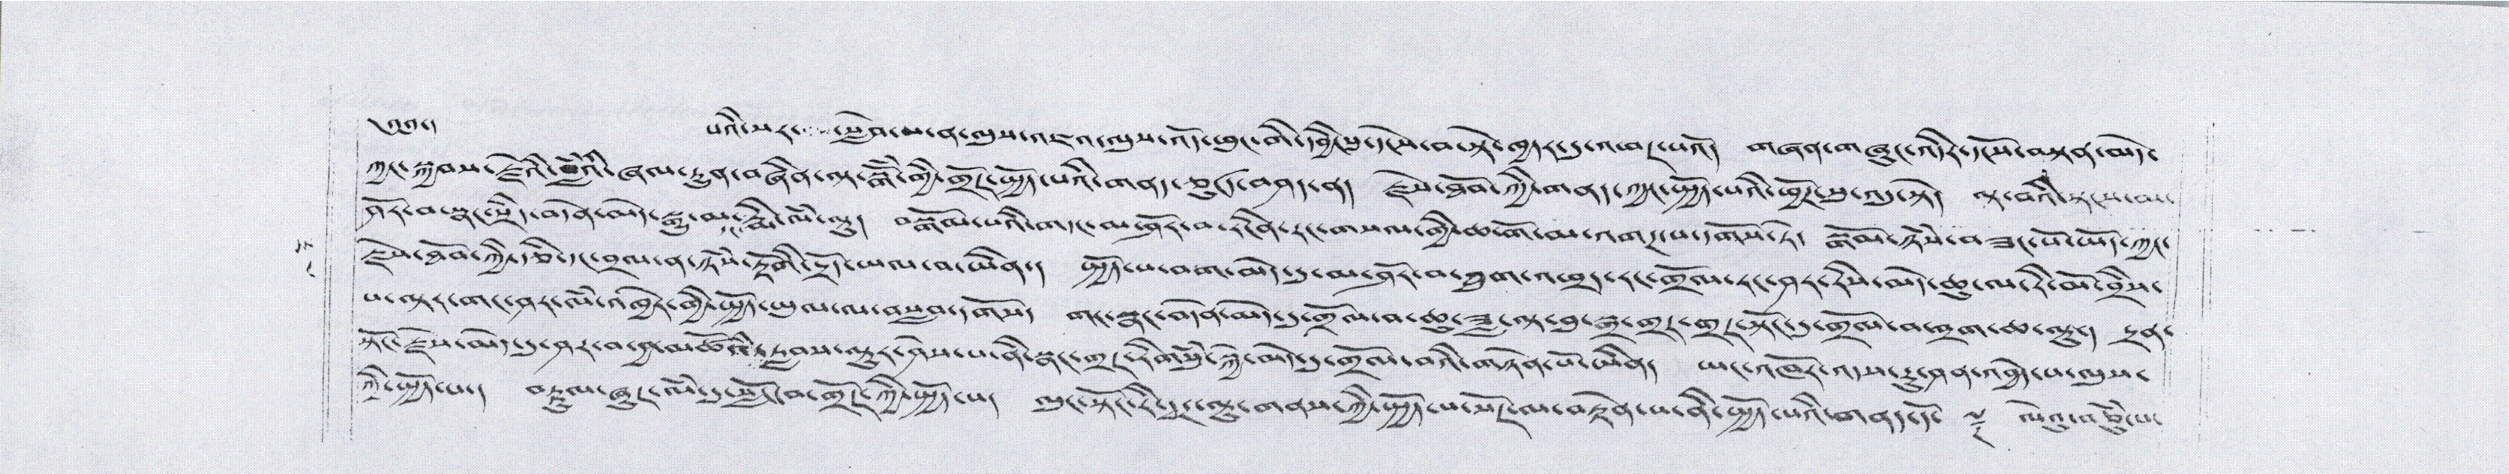པའི་སར། སླེབས་པ་ན་ལུས་འཇའ་ལུས་འོད་ཕུང་གི་དབྱིངས་སུ་དེངས་པ་སྟེ་ཁྱད་པར་དུ་འཕགས་པའོ། གཞན་གཞུང་འདིར་དངོས་བསྟན་མེད་
ཀྱང་སྐྱབས་རྗེ་བླ་མའི་ཞལ་རྒྱུན་བཞིན་ལྟ་སྒོམ་གྱི་གྲོགས་སྤྱོད་པའི་གནད་ཅུང་ཟད་བཤད་ན། རྗེས་ཐོབ་ཀྱི་གནད་ཀྱང་སྤྱོད་པའི་ཕྱོགས་སུ་འདུ་སྟེ། ལྟ་བའི་སྟངས་མ་
ཤོར་བ་བདེན་མེད་སྒྱུ་མ་དང་རྨི་ལམ་ལྟ་བུ། བསྒོམ་པའི་གདངས་མ་ཤོར་བ་རང་བཞིན་རང་གསལ་གྱི་ཆ་གོ་མ་འགག་པ་དགོས་ཏེ། སྒོམ་ཉམས་བཟང་པོ་ཡོད་ཀྱང་
རྗེས་ཐོབ་ཀྱི་རྩི་དང་བྲལ་ན་ཉམས་རྟོགས་ཀྱི་དྲོད་ཡལ་བ་ཡིན། སྤྱོད་པ་བག་མེད་དུ་མ་ཤོར་བར་ཐུག་འཕྲད་རང་གྲོལ་རང་ཤར་རིས་མེད་ཆུ་ལ་རི་མོ་བྲིས་
པ་ལྟར་གང་ཤར་ལམ་འཁྱེར་སྤྱོད་ཡུལ་ལ་བསླབ་དགོས། གང་སྣང་བདེན་མེད་དུ་གྲོལ་བ་ཆུ་ཟླ་ལྟ་བུ། སྒྲ་གྲག་གྲག་སྟོང་དུ་གྲོལ་བ་བྲག་ཆ་ལྟ་བུ། དྲན་
སྟོང་རྗེས་མེད་དུ་ཤར་བ་རྒྱ་མཚོའི་རླབས་ལྟ་བུར་ཤེས་པ་ནི་སྣང་གྲགས་རིག་གསུམ་སྐྱེ་མེད་དུ་གྲོལ་བའི་གཉེན་པོ་ཡིན། ཡང་འཁོར་འདས་རུ་ཤན་འབྱེད་པ་ལུས་
ཀྱི་སྤྱོད་པ། བརྟུལ་ཞུགས་ལམ་དུ་སློང་བ་གྲོགས་ཀྱི་སྤྱོད་པ། ལུང་སྟོང་རི་དྭགས་ལྟ་བུ་གནས་ཀྱི་སྤྱོད་པ་སོགས་ལ་བརྟེན་པ་ནི་སྤྱོད་པའི་གནད་དོ།། ༧ ལེའུ་བཅུ་གསུམ་པ།